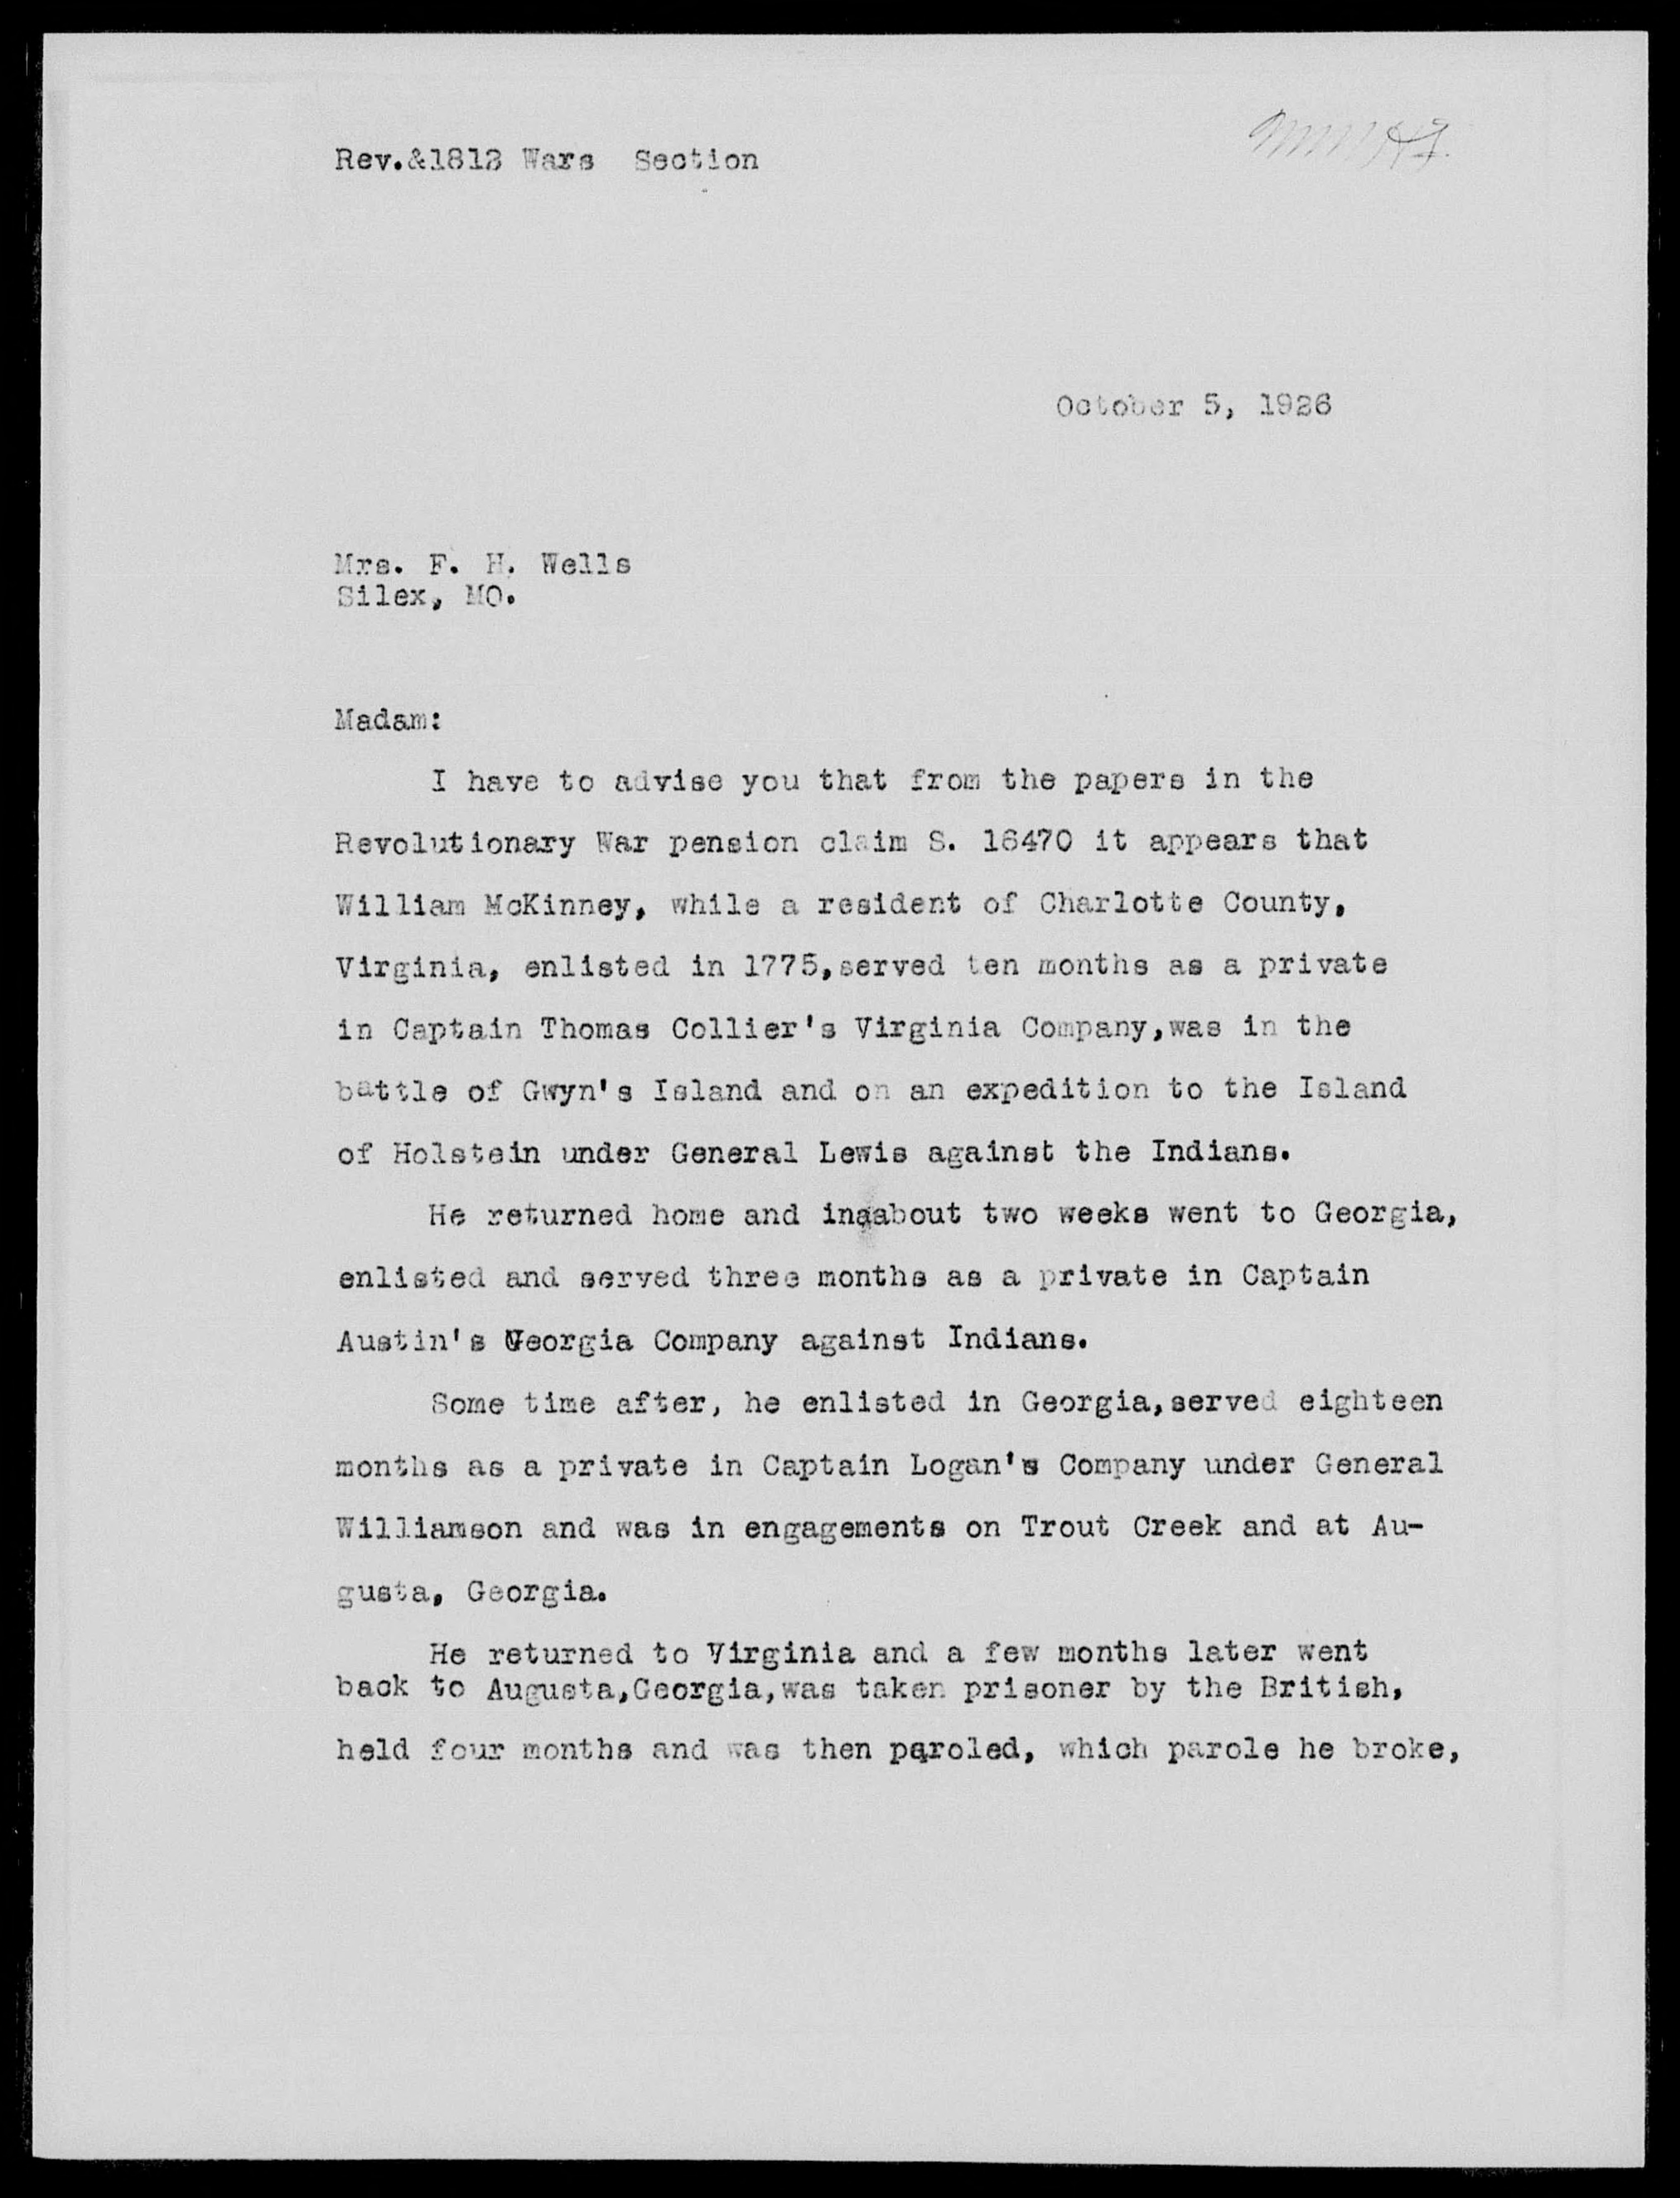Rev.&1812 Wars Section
October 5, 1926
Mrs. F. H. Wells 
Silex, MO.

Madam:
I have to advise you that from the papers in the Revolutionary War pension claim S. 16470 it appears that William McKinney, while a resident of Charlotte County, Virginia, enlisted in 1775, served ten months as a private in Captain Thomas Collier's Virginia Company, was in the battle of Gwyn's Island and on an expedition to the Island of Holstein under General Lewis against the Indians. 
He returned home and in about two weeks went to Georgia, enlisted and served three months as a private in Captain Logan's Company under General Williamson and was in engagements on Trout Creek and at Augusta, Georgia. 
He returned to Virginia and a few months later went back to Augusta, Georgia, was taken prisoner by the British, held four months and was then paroled, which parole he broke,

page: 25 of 28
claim: survivor's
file: S. 16,470, for William Mc Kinney, Georgia